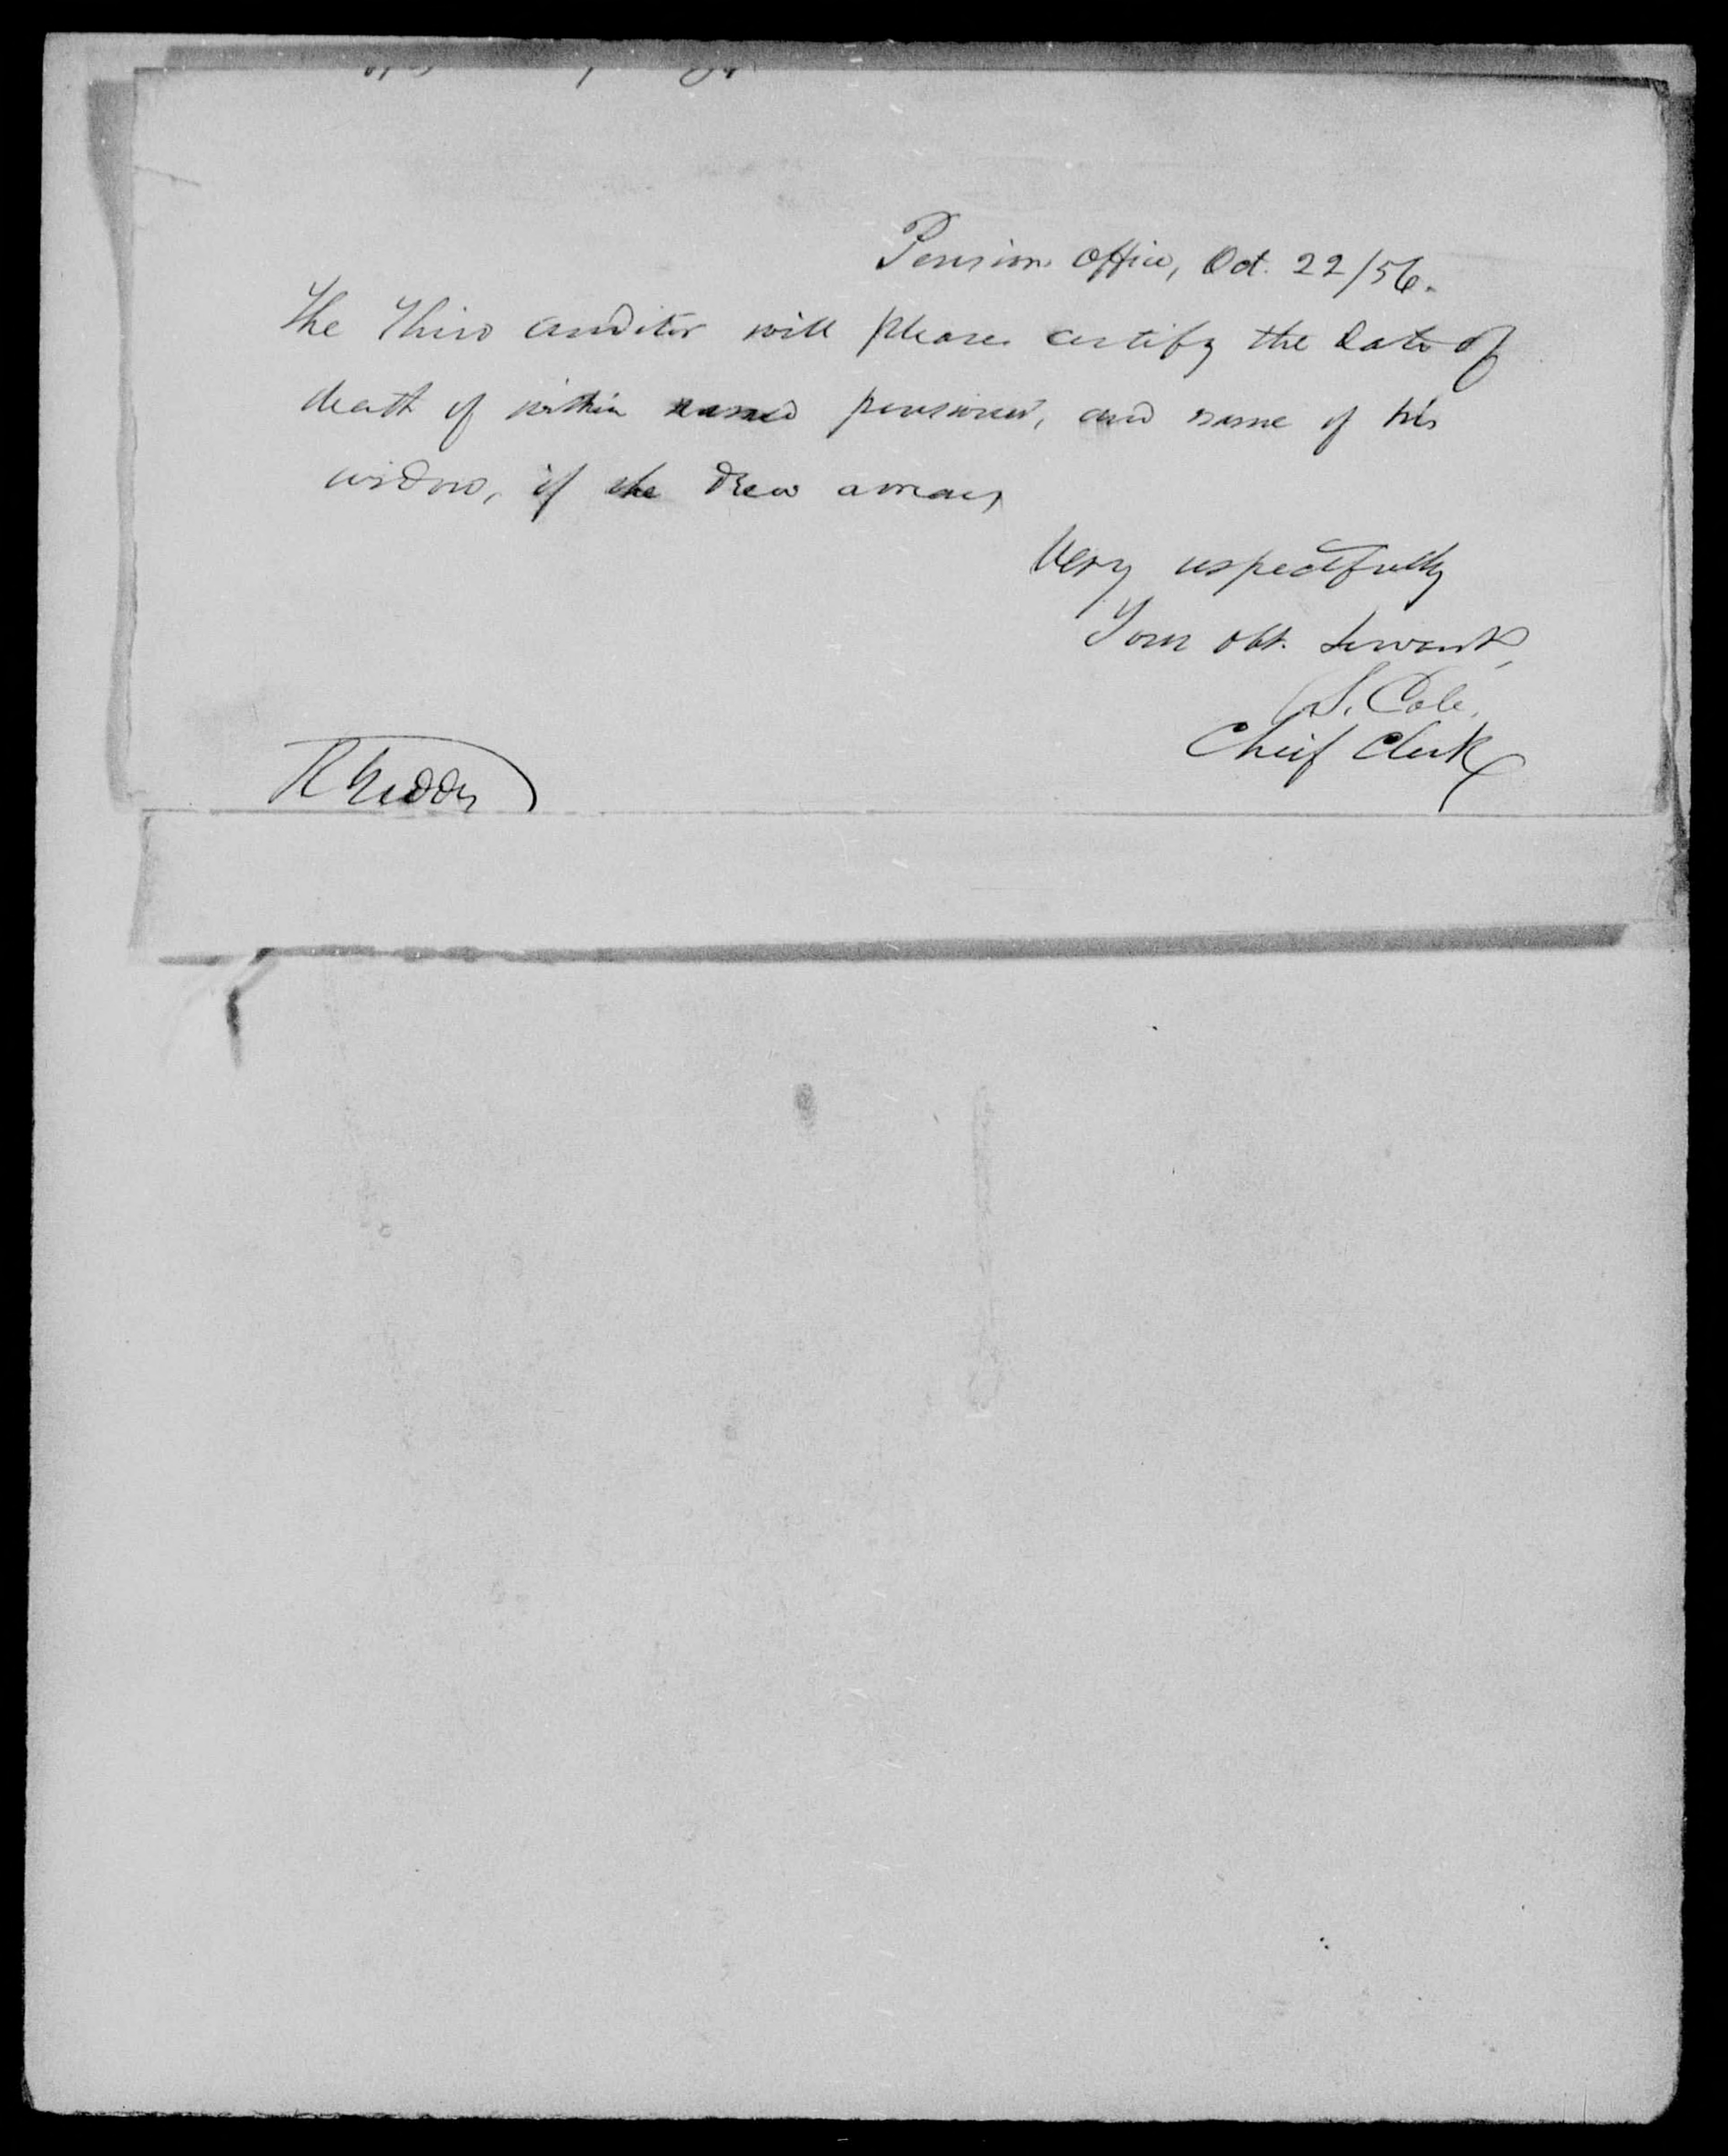Pension Office, Oct 22/56

The Third auditor will please certify the date of death of within names pensioned, and name of his widow, if she [illegible]

Very respectfully
Your obt. Servant,

S. Cole,
Chief Clerk

[signature of "R Geddes"]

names: S Cole, R Geddes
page: 30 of 72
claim: widow's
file: W. 7771, Stephen Holmes, Vt.